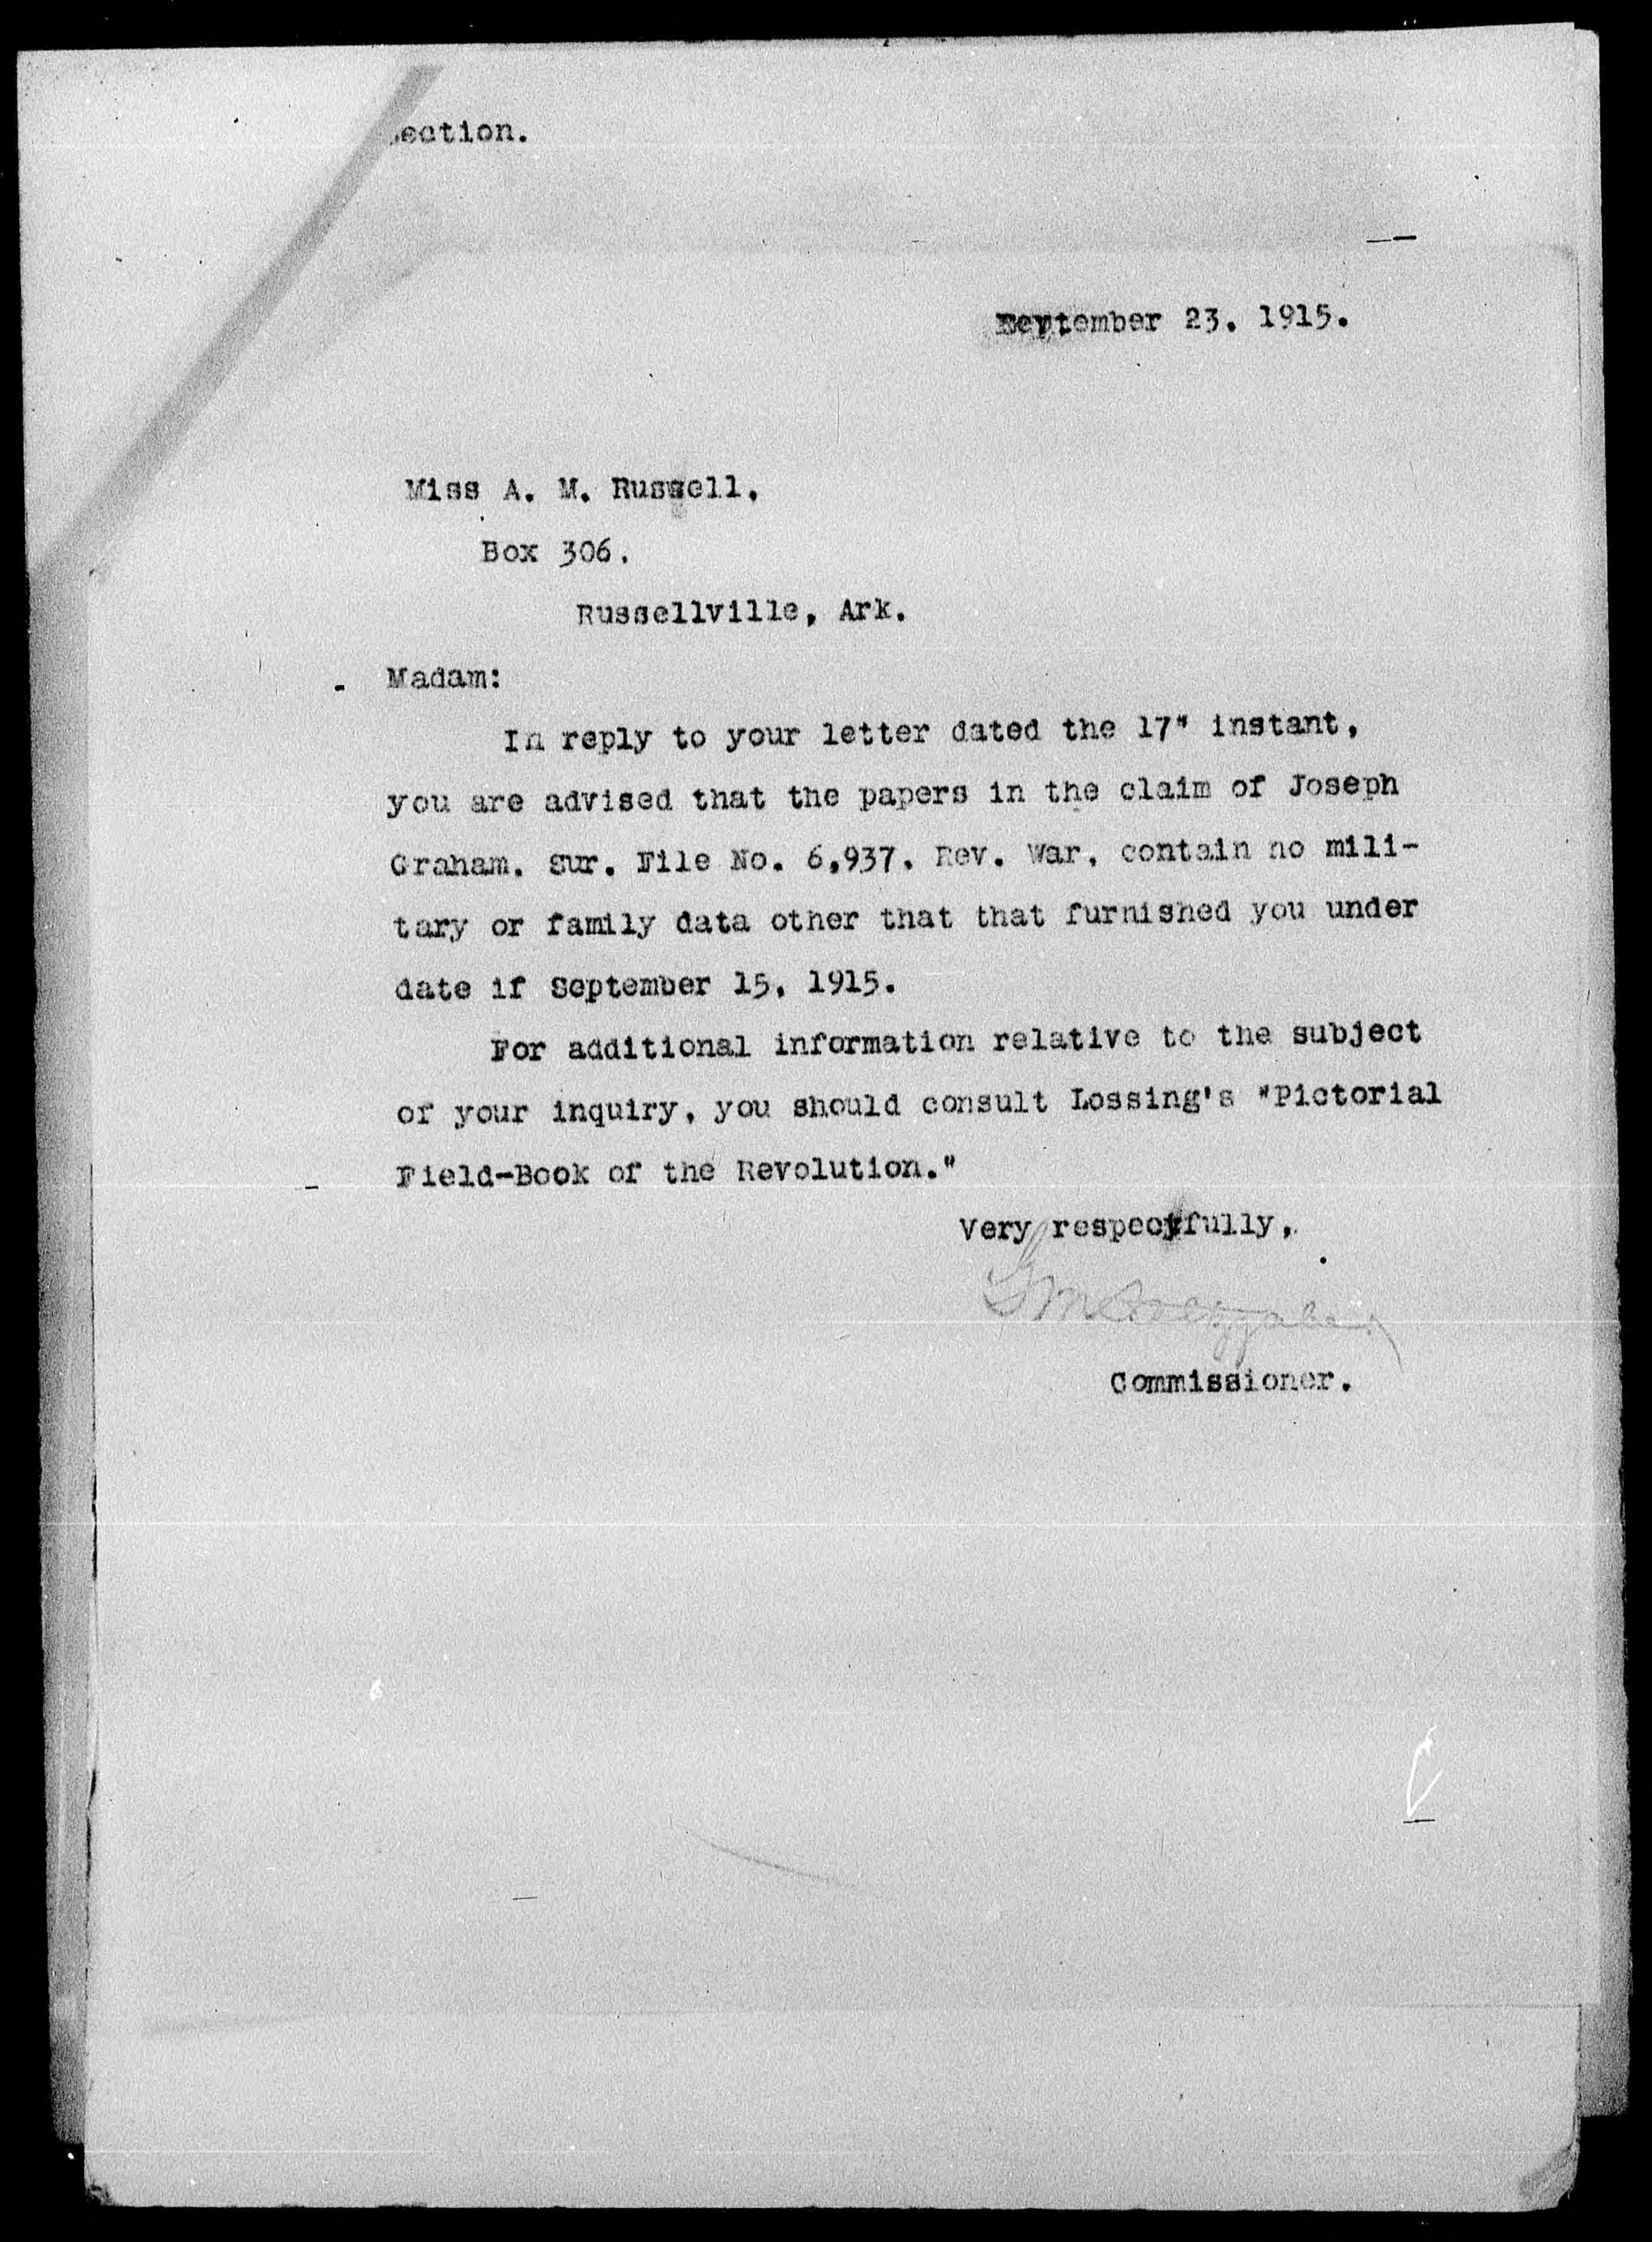Section.

September 23, 1915.

Miss A. M. Russell,
Box 306,
Russellville, Ark.

Madam:

In reply to your letter dated the 17” instant,
you are advised that the papers in the claim of Joseph Graham, Sur. File No. 6,937, Rev. War, contain no military or family data other that that furnished you under date of September 15, 1915.

For additional information relative to the subject
of your inquiry, you should consult Lossing's "Pictorial Field-Book of the Revolution."

Very respectfully,
G. M. Saltzgaber
Commissioner.
[Signature]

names: A M Russell, Joseph Graham, G M Saltzgaber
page: 26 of 55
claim: survivor's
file: S. 6,937, Joseph Graham, N.C.